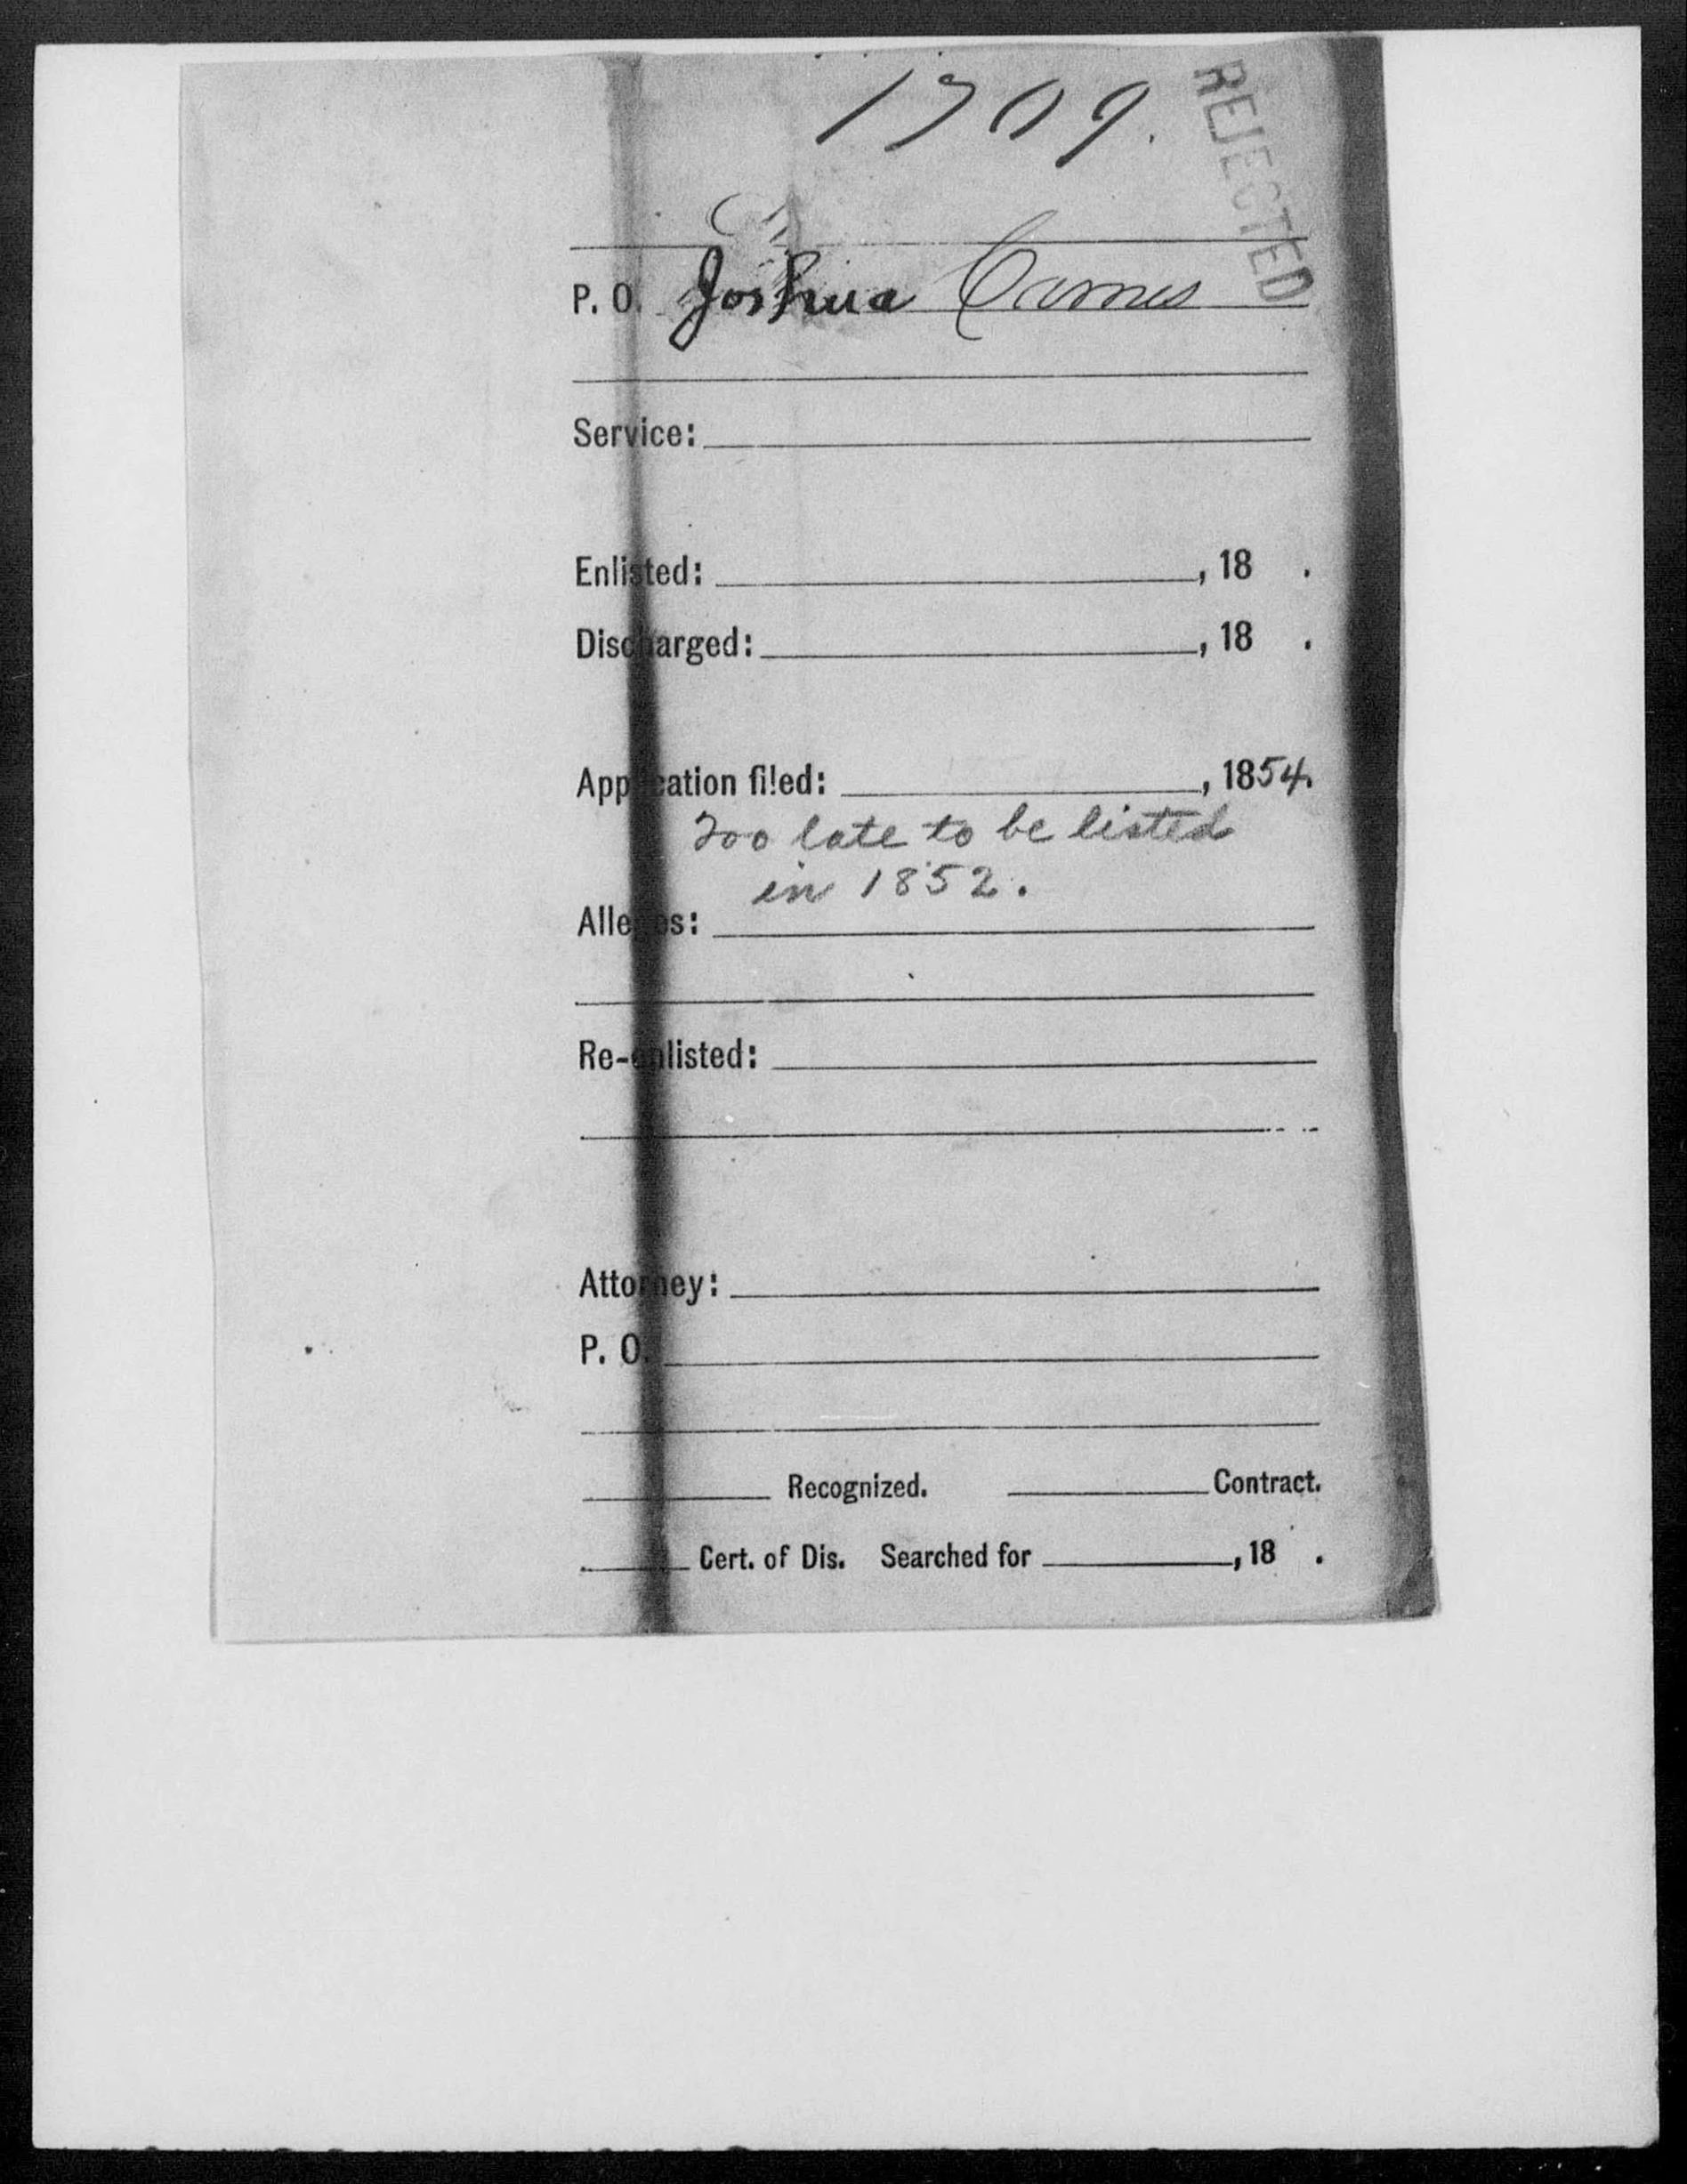1709
Rejected
P. O. Joshua Carnes
Service:
Enlisted:     .18
Discharged:    , 18
Application filed:Too late to be listed in 1852, 1854
Alleges:
Re-enlisted:
Attorney:
P.O.:
Recognized.    
Contract.
Cert. of Dis.   
Search for       , 18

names: Joshua Carnes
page: 11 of 22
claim: rejected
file: R 1709, Joshua Carnes, Va.